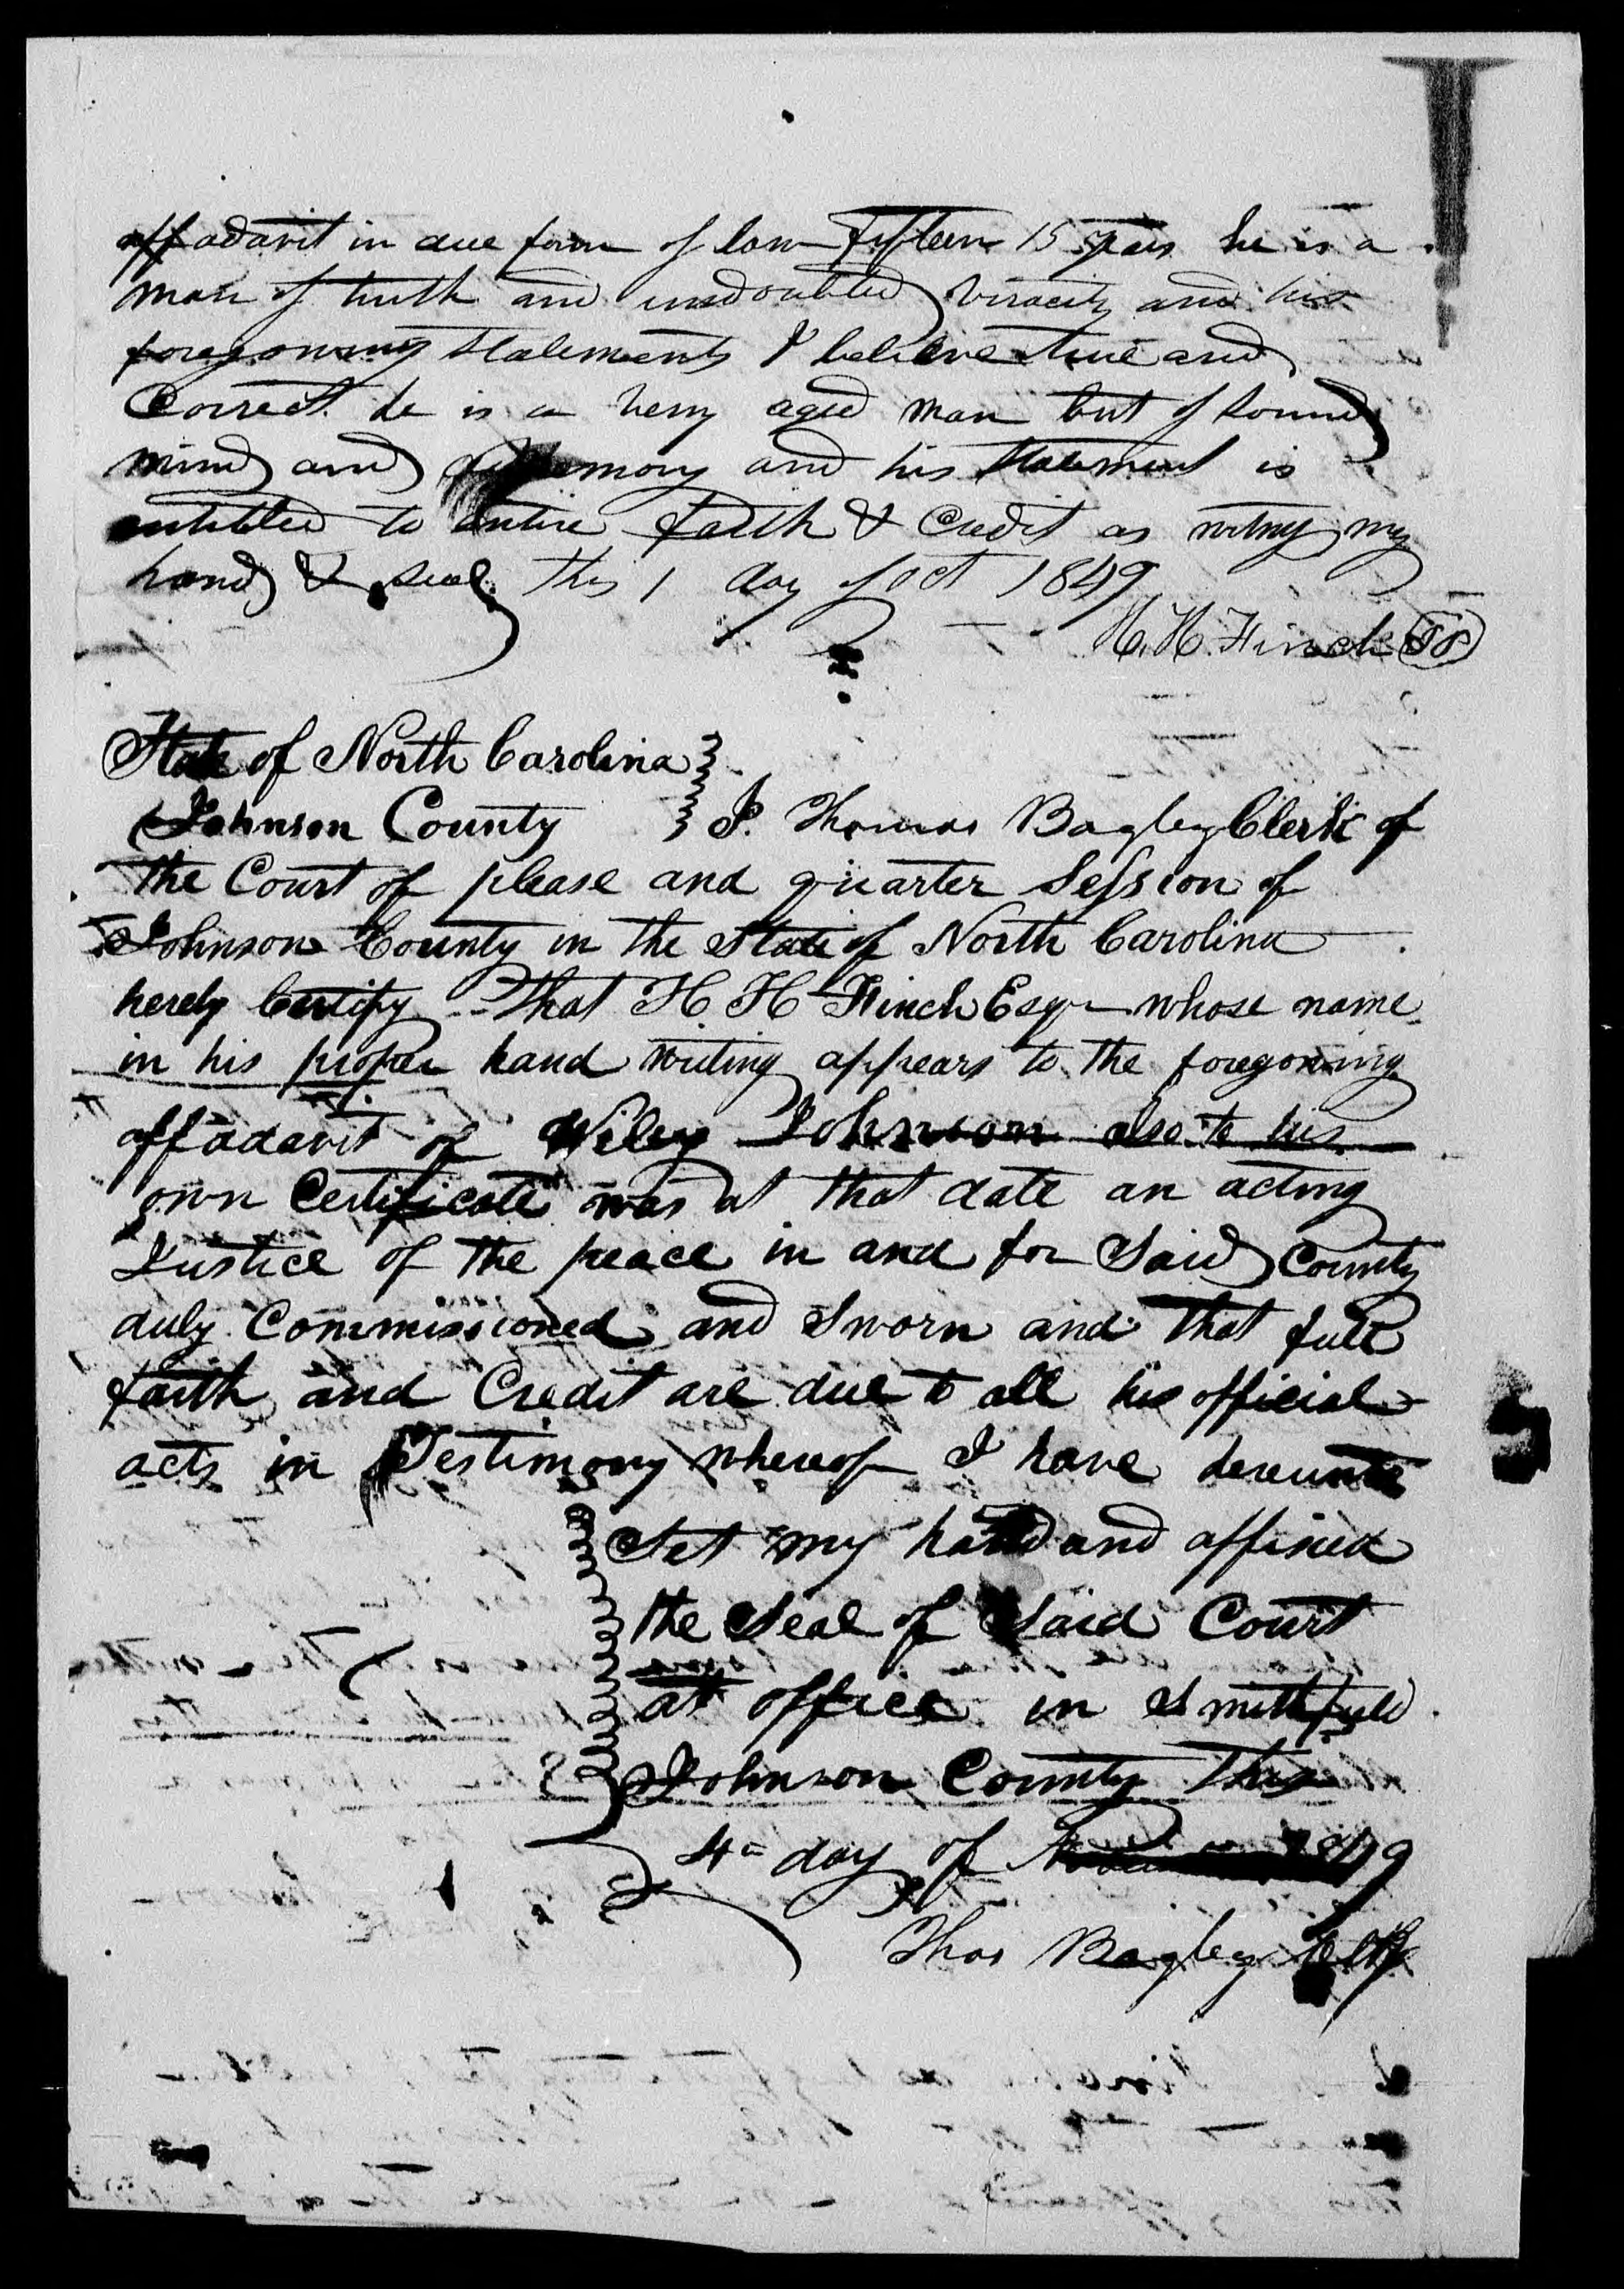affadavit in due form of law fifteen 15 years   he is a man of truth and undoubted veracity and his foregoing statements I believe true and Correct   he is a very aged man but of sound mind and memory and his statement is entitled to entire faith and credit as witness my hand and seal this 1 day of October 1949   H. H. Finch [JP]       
State of North Carolina Johnson County } I Thomas Bagley Clerk of the Court of pleas and quarter session of Johnson County in the State of North Carolina hereby certify that H H Finch Esqr whose name in his proper hand writing appears to the foregoing affidavit Wiley Johnson also to his of own certificate was at that date an acting Justice of the peace in and for Said County duly Commissioned and Sworn and that full faith and credit are due to all his official acts in Testimony whereof I have hereunto set my hand and affixed the Seal of said Court at office in Smithfield Johnson County this 4th day of November 1849   Thos Bagley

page: 74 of 74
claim: rejected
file: R. 5600, for Abel Johnson, North Carolina